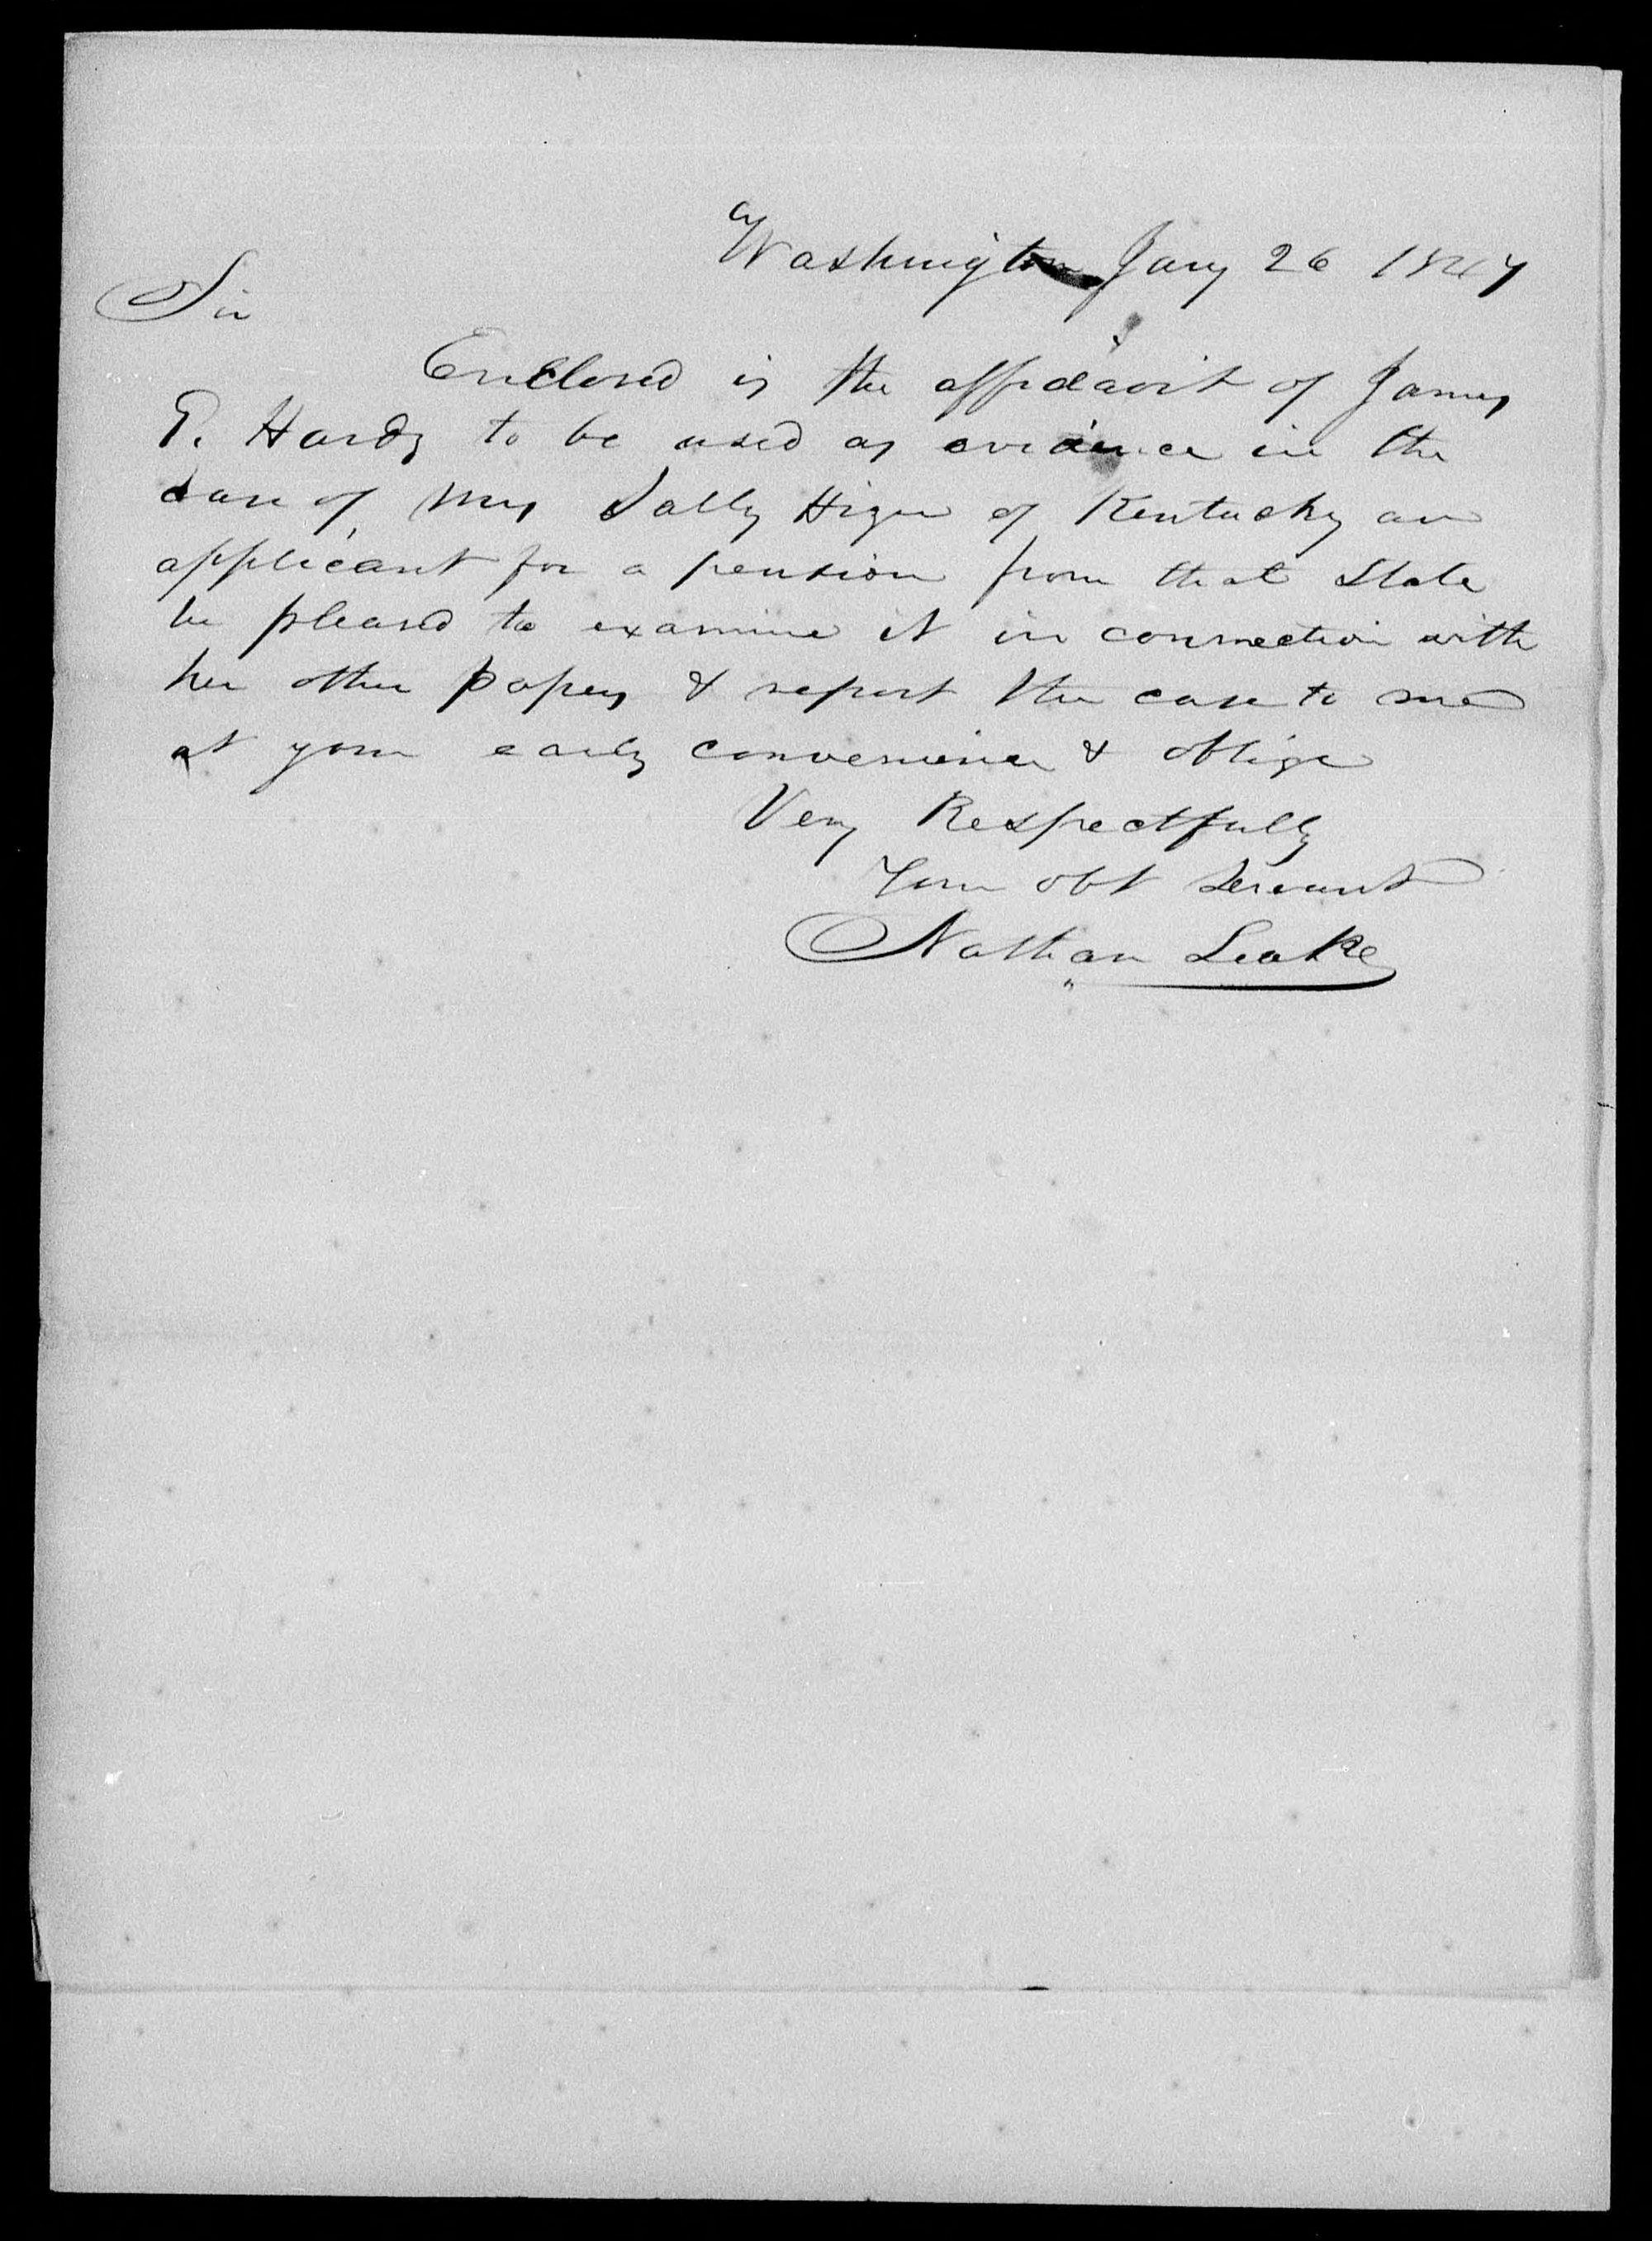Washington Jany 26 1847
Sir
Enclosed is the affidavit of James
E. Hardy to be used as evidence in the
case of Mrs. Sarah Hiser of Kentucky an
applicant for a pension from that State
be pleased to examine it in connection with
her other papers & report the case to me
at your early convenience & oblige
Very Respectfully
Your obt Servant
Nathan Leake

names: Nathan Leake, Sally Hizer, James G Hardy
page: 25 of 58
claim: widow's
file: W. 8932, John Hiser, Penn.